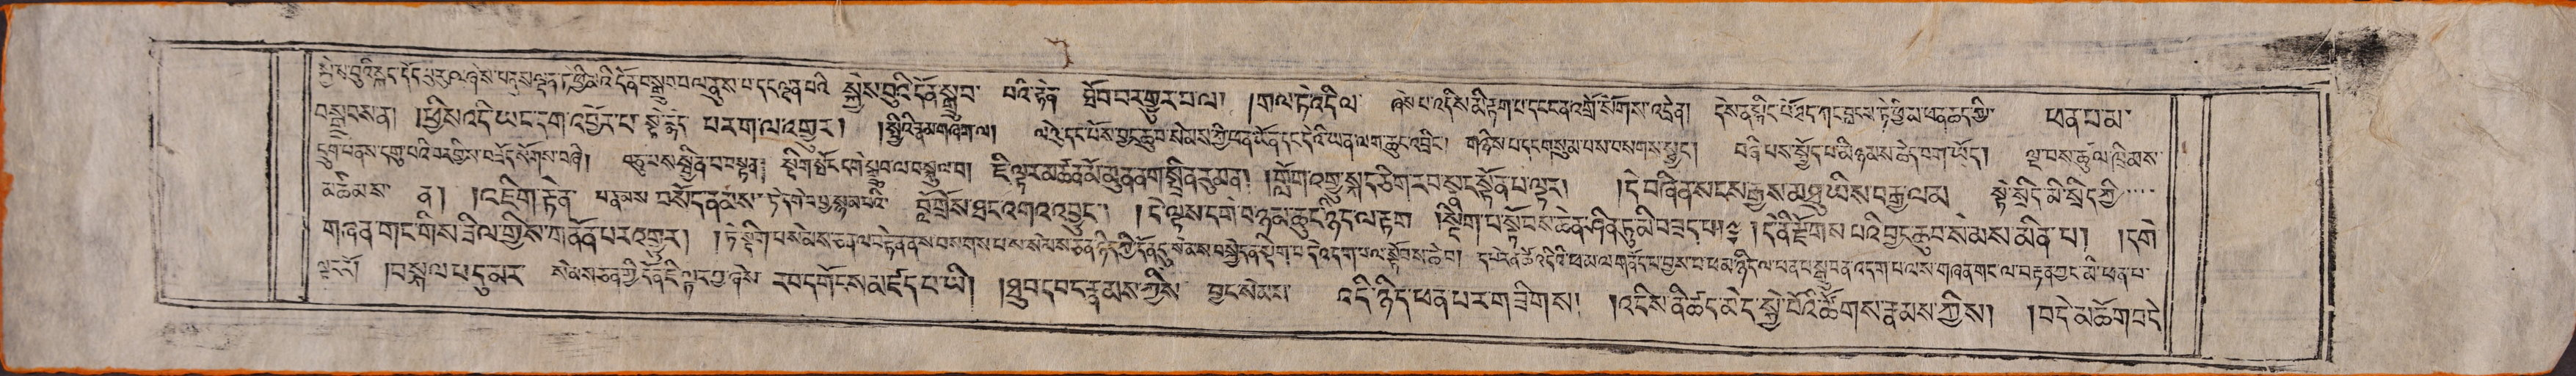སྐྱེས་བུའི་སྐད་དོད་པུ་རུ་ཥ་ཞེས་པ་ནུས་ལྡན་ཏེ་ཕྱི་མའི་དོན་བསྒྲུབ་པ་ལ་ནུས་པ་དང་ལྡན་པའི་སྐྱེས་བུའི་དོན་སྒྲུབ་པའི་རྟེན་ཐོབ་པར་གྱུར་པ་ལ། །གལ་ཏེ་འདི་ལ་ཞེས་པ་འདིས་མི་རྟག་པ་དང་ངན་འགྲོ་སོགས་འདྲེན། དེས་ན་སྙིང་པོ་ཐད་ཀ་ཐད་ཀར་བླངས་ཏེ་ཕྱི་མ་ཕན་ཆད་ཀྱི་ཕན་པ་མ་
བསྒྲུབས་ན། །ཕྱིས་འདི་ཡང་དག་འབྱོར་པ་སྟེ་རྙེད་པ།  ར་ག་ལ་འགྱུར། །སྤྱིའི་རྣམ་གཞག་ལ། ལེའུ་དང་པོས་བྱང་ཆུབ་སེམས་ཀྱི་ཕན་ཡོན་དང་དེའི་ཡན་ལག་ཆུང་འབྲིང་། གཉིས་པ་དང་གསུམ་པས་བསགས་སྦྱང་། བཞི་པས་སྤྱོད་པ་མི་ཉམས་ཆེད་བག་ཡོད། ལྔ་པས་ཚུལ་ཁྲིམས།
དྲུག་པ་ནས་དགུ་པའི་བར་གྱིས་བཟོད་སོགས་བཞི། བཅུ་པས་སྦྱིན་པ་བསྟན། སྡིག་སྤོང་དགེ་སྒྲུབ་ལ་བསྐུལ་བ། ཇི་ལྟར་མཚན་མོ་མུན་ནག་སྤྲིན་རུམ་ན། །གློག་འགྱུ་སྐད་ཅིག་རབ་སྣང་སྟོན་པ་ལྟར། །དེ་བཞིན་སངས་རྒྱས་མཐུ་ཡིས་བརྒྱ་ལམ་སྟེ་སྲིད་མི་
སྲིད་ཀྱི་མཚམས་ན། །འཇིག་རྟེན་པ་རྣམས་བསོད་ནམས་ཏེ་དགེ་བ་བྱ་སྙམ་པའི་བློ་གྲོས་ཐང་འགའ་འབྱུང་། །དེ་ལྟས་དགེ་བ་ཉམ་ཆུང་ཉིད་ལ་རྟག །སྡིག་པ་སྟོབས་ཆེན་ཤིན་ཏུ་མི་བཟད་པ། ༈ །དེ་ནི་རྫོགས་པའི་བྱང་ཆུབ་སེམས་མིན་
བ༑ ༑དགེ་གཞན་གང་གིས་ཟིལ་གྱིས་གནོན་པར་འགྱུར། །ཏེ་སྡིག་པ་སེམས་ཅན་ལ་བརྟེན་ནས་བསགས་པས་སེམས་ཅན་ཉིད་ཀྱི་དོན་དུ་སེམས་བསྐྱེད་ན་སྡིག་པ་དེ་འདག་པ་ལ་སྟོབས་ཆེ་བ། དཔེར་ན་ཚེ་འདིའི་ཕ་མ་ལ་གནོད་པ་བྱས་པ་ཕ་མ་ཉིད་ལ་ཕན་པ་སྒྲུབ་ན་འདག་པ་ལས་གཞན་གང་ལ་བརྟེན་ཀྱང་མི་
ཕན་པ་ལྟར་རོ། །བསྐལ་པ་དུ་མར་སེམས་ཅན་གྱི་དོན་ཇི་ལྟར་བྱ་ཞེས་རབ་དགོངས་མཛད་པ་ཡི། །ཐུབ་དབང་རྣམས་ཀྱིས་བྱང་སེམས་འདི་ཉིད་ཕན་པར་གཟིགས། །འདིས་ནི་ཚད་མེད་སྐྱེ་བོའི་ཚོགས་རྣམས་ཀྱིས། །བདེ་མཆོག་བདེ་